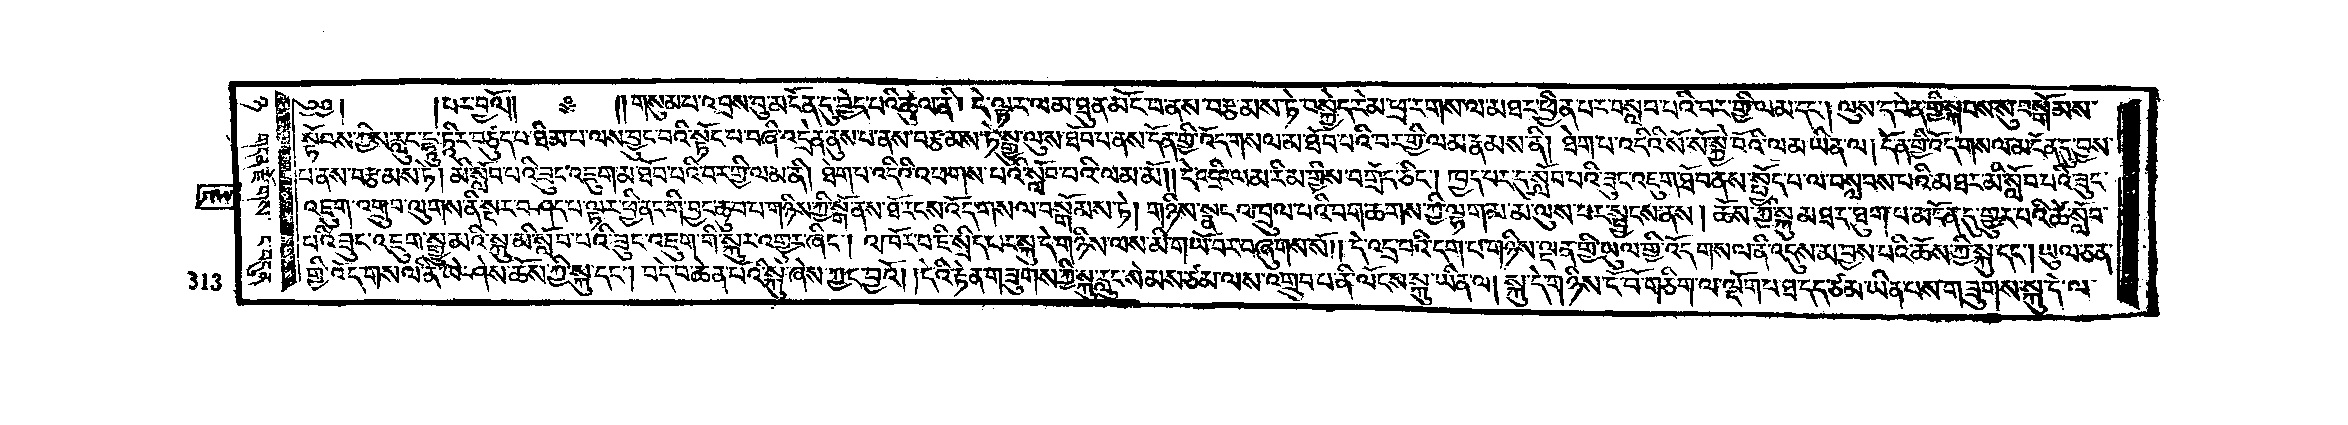༄༅། །པར་བྱའོ།། ༈ །།གསུམ་པ་འབྲས་བུ་མངོན་དུ་བྱེད་པའི་ཚུལ་ནི། དེ་ལྟར་ལམ་ཐུན་མོང་བ་ནས་བརྩམས་ཏེ་བསྐྱེད་རིམ་ཕྲ་རགས་ལ་མཐར་ཕྱིན་པར་བསླབ་པའི་བར་གྱི་ལམ་དང་། ལུས་དབེན་གྱི་སྐབས་སུ་བསྒོམས་
སྟོབས་ཀྱིས་རླུང་དྷཱུ་ཏཱིར་བཙུད་པ་ཐིམ་པ་ལས་བྱུང་བའི་སྟོང་པ་བཞི་འདྲེན་ནུས་པ་ནས་བརྩམས་ཏེ་སྒྱུ་ལུས་ཐོབ་པ་ནས་དོན་གྱི་འོད་གསལ་མ་ཐོབ་པའི་བར་གྱི་ལམ་རྣམས་ནི། ཐེག་པ་འདིའི་སོ་སོ་སྐྱེ་བོའི་ལམ་ཡིན་ལ། དོན་གྱི་འོད་གསལ་མངོན་དུ་བྱས་
པ་ནས་བརྩམས་ཏེ། མི་སློབ་པའི་ཟུང་འཇུག་མ་ཐོབ་པའི་བར་གྱི་ལམ་ནི། ཐེག་པ་འདིའི་འཕགས་པའི་སློབ་པའི་ལམ་མོ། །དེ་འདྲའི་ལམ་རིམ་གྱིས་བགྲོད་ཅིང་། ཁྱད་པར་དུ་སློབ་པའི་ཟུང་འཇུག་ཐོབ་ནས་སྤྱོད་པ་ལ་བསླབས་པའི་མཐར་མི་སློབ་པའི་ཟུང་
འཇུག་འགྲུབ་ལུགས་ནི་སྔར་བཤད་པ་ལྟར་ཕྱི་ནང་གི་བྱང་ཆུབ་པ་གཉིས་ཀྱི་སྒོ་ནས་ཐོ་རངས་འོད་གསལ་བསྒོམས་ཏེ། གཉིས་སྣང་འཁྲུལ་པའི་བག་ཆགས་ཀྱི་ལྷག་མ་མ་ལུས་པར་སྦྱངས་ནས། ཆོས་ཀྱི་སྐུ་མཐར་ཐུག་པ་མངོན་དུ་གྱུར་པའི་ཚེ་སློབ་
པའི་ཟུང་འཇུག་སྒྱུ་མའི་སྐུ་མི་སློབ་པའི་ཟུང་འཇུག་གི་སྐུར་འགྱུར་ཞིང་། འཁོར་བ་ཇི་སྲིད་པར་སྐུ་དེ་གཉིས་ལས་མི་གཡོ་བར་བཞུགས་སོ། །དེ་འདྲ་བའི་དག་པ་གཉིས་ལྡན་གྱི་ཡུལ་གྱི་འོད་གསལ་ནི་འདུས་མ་བྱས་པའི་ཆོས་ཀྱི་སྐུ་དང་། ཡུལ་ཅན་
གྱི་འོད་གསལ་ནི་ཡེ་ཤེས་ཆོས་ཀྱི་སྐུ་དང་། བདེ་བ་ཆེན་པོའི་སྐུ་ཞེས་ཀྱང་བྱའོ། །དེའི་རྟེན་གཟུགས་ཀྱི་སྐུ་རླུང་སེམས་ཙམ་ལས་འགྲུབ་པ་ནི་ལོངས་སྐུ་ཡིན་ལ། སྐུ་དེ་གཉིས་ངོ་བོ་གཅིག་ལ་ལྡོག་པ་ཐ་དད་ཙམ་ཡིན་པས་གཟུགས་སྐུ་དེ་ལ་